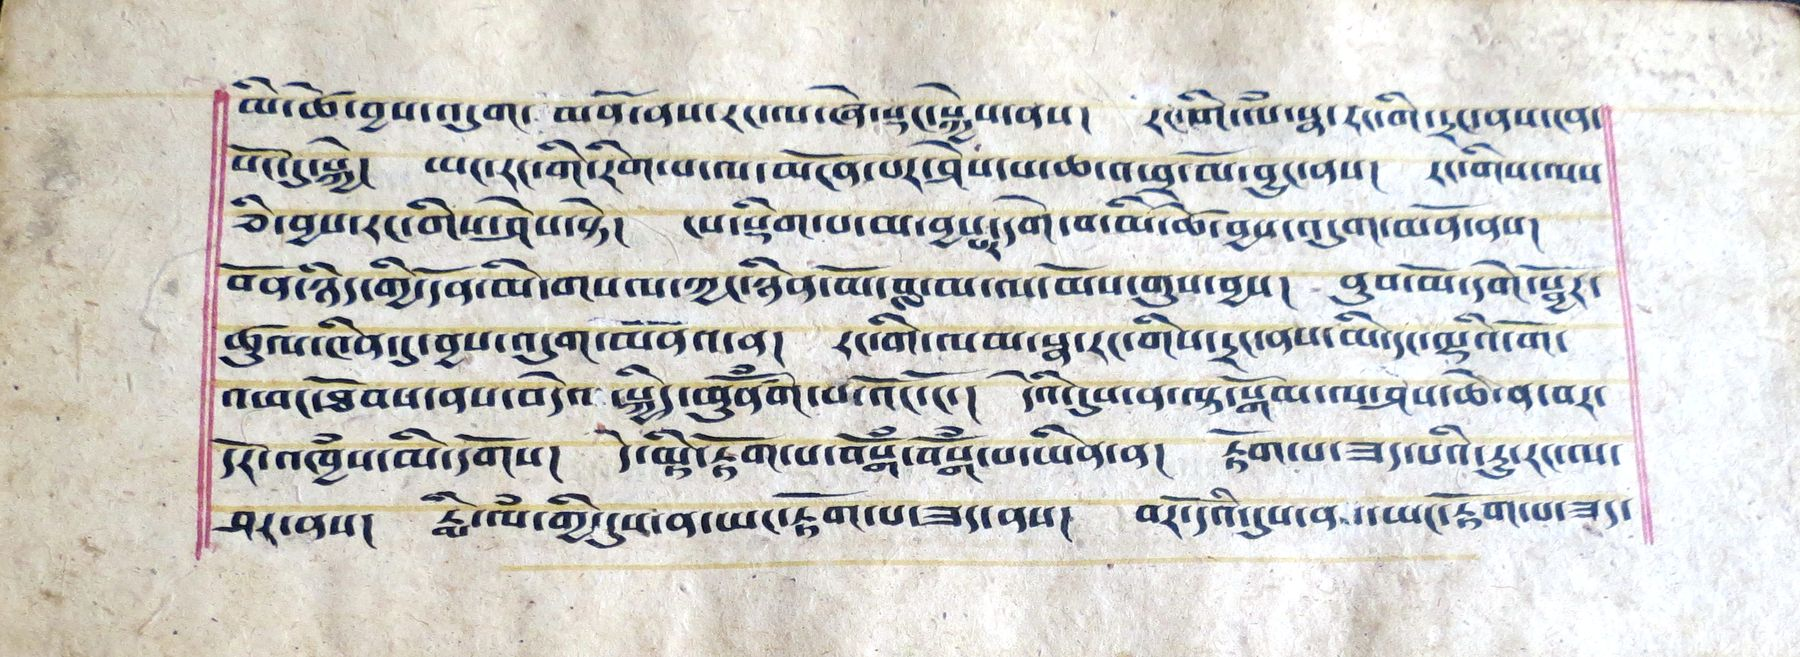མི་ཚེ་བྱས་འདུག་མནོ་ནས་རང་ལ་ཞེ་སྡང་སྐྱེས་ནས། རང་གི་ལམ་སྣ་རང་གིས་དྲངས་ནས་ངན་
སོང་དུ་སྐྱེ། ཡང་རང་གི་རིག་པ་ལ་མངོིན་པར་ཤེས་པ་ཆ་འཕྲ་མོ་བྱུང་ན། རང་གིས་ལས་
ཅི་བྱས་པ་རང་གིས་ཤེས་ཏེ། ངས་སྡིག་པ་མ་བྱས་པར་དགེ་བ་མི་ཚེ་བྱས་འདུག་མནོ་ནས། 
བོན་ཉིད་ཀྱི་དོན་མི་གསལ་ཀྱང་ཉིན་མོ་བླ་མ་ལ་མོས་གུས་བྱས། ནུབ་མོ་དགེ་སྦྱོར་
ཚུལ་བཞིན་དུ་བྱས་འདུག་མནོ་ན། རང་གི་ལམ་སྣང་རང་གིས་དྲངས་ནས་མི་དང་ལྷའི་གོ་
འཕང་ཐོབ་ནས་བདེ་སྐྱིད་ཕུན་སུམ་ཚོགས་པ་འོང་ངོ་། དེའི་དུས་ན་ལྟ་སྒོམ་ལ་ཤས་ཆེ་ན་བར་
དོར་འཁྱམས་མི་དགོས། དེ་མི་རྟོག་པ་སྒོམ་སྒོམ་པ་ཡིན་ན། རྟོག་པ་ཟད་པའི་རྒྱུ་རང་ལ་
ཤར་ནས། རྨི་ལམ་གྱི་དུས་ན་ཡང་རྟོག་པ་ཟད་ནས། བར་དོའི་དུས་ནས་ཡང་རྟོག་པ་ཟད་